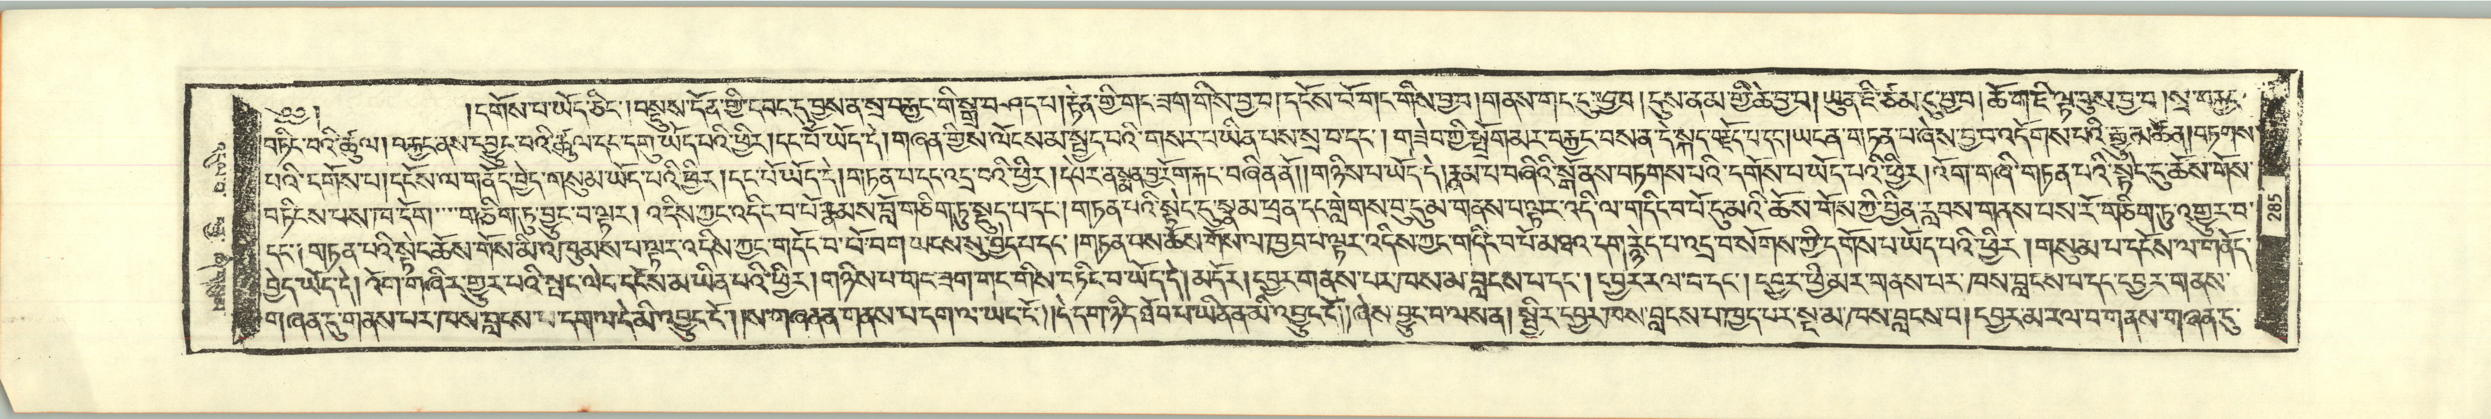༄༅། །དགོས་པ་ཡོད་ཅིང་། བསྡུས་དོན་གྱི་དབང་དུ་བྱས་ན་སྲ་བརྐྱང་གི་སྒྲ་བཤད་པ། རྟེན་གྱི་གང་ཟག་གིས་བྱ་བ། དངོས་པོ་གང་གིས་བྱ་བ། གནས་གང་དུ་བྱ་བ། དུས་ནམ་གྱི་ཆེ་བྱ་བ། ཡུན་ཇི་ཙམ་དུ་བྱ་བ། ཆོ་ག་ཇི་ལྟ་བུས་བྱ་བ། སྲ་བརྐྱང་
བཏིང་བའི་ཚུལ། བརྐྱང་ནས་དབྱུང་བའི་ཚུལ་དང་དགུ་ཡོད་པའི་ཕྱིར། དང་པོ་ཡོད་དེ། གཞན་གྱིས་ལོངས་མ་སྤྱད་པའི་གསར་པ་ཡིན་པས་སྲ་བ་དང་། གཟེབ་ཀྱི་སྤྲོག་མར་བརྐྱང་བས་ན་དེ་སྐད་བརྗོད་པ་དང་། ཡང་ན་གཏན་པ་ཞེས་བྱ་བ་འདོགས་པའི་རྒྱུ་མཚེན། བཏགས་
བའི་དགོས་པ། དངོས་ལ་གནོད་བྱེད་གསུམ་ཡོད་པའི་ཕྱིར། དང་པོ་ཡོད་དེ། གཏན་པ་དང་འདྲ་བའི་ཕྱིར། དཔེར་ན་སྨན་བྱ་རོག་རྐང་བཞིན་ནོ། །གཉིས་པ་ཡོད་དེ། རྣམ་པ་བཞིའི་སྒོ་ནས་བཏགས་པའི་དགོས་པ་ཡོད་པའི་ཕྱིར། འོག་གཞི་གཏན་པའི་སྟེང་དུ་ཆོས་གོས་
བཏིངས་པས་ཁ་དོག་གཅིག་ཏུ་བྱུང་བ་ལྟར། འདིས་ཀྱང་འདིང་བ་པོ་རྣམས་བློ་གཅིག་ཏུ་སྡུད་པ་དང་། གཏན་པའི་སྟེང་དུ་སྣམ་ཕྲན་དང་གླེགས་བུ་དུ་མ་གནས་པ་ལྟར་འདི་ལ་གདིང་བ་པོ་དུ་མའི་ཆོས་གོས་ཀྱི་བྱིན་རླབས་གནས་པས་རོ་གཅིག་ཏུ་འགྱུར་བ་
དང༑ གཏན་པའི་སྟེང་ཆོས་གོས་མི་འཁུམས་པ་ལྟར་འདིས་ཀྱང་གདོང་བ་པོ་བག་ཡངས་སུ་བྱེད་པ་དང་། གཏན་པས་ཆོས་གོས་ལ་ཁྱབ་པ་ལྟར་འདིས་ཀྱང་གདིང་བ་པོ་མཐའ་དག་རྙེད་པ་འདྲ་བ་སོགས་ཀྱི་དགོས་པ་ཡོད་པའི་ཕྱིར། གསུམ་པ་དངོས་ལ་གནོད་
བྱེད་ཡོད་དེ། འོག་གཞིར་གྱུར་པའི་སྤང་ལེབ་དངོས་མ་ཡིན་པའི་ཕྱིར། གཉིས་པ་གང་ཟག་གང་གིས་བཏིང་བ་ཡོད་དེ། མདོར། དབྱར་གནས་པར་ཁས་མ་བླངས་པ་དང་། དབྱར་རལ་བ་དང་། དབྱར་ཕྱི་མར་གནས་པར་ཁས་བླངས་པ་དང་དབྱར་གནས་
གཞན་དུ་གནས་པར་ཁས་བླངས་པ་དག་ལ་དེ་མི་འབྱུང་ངོ། །ས་གཞན་ན་གནས་པ་དག་ལ་ཡང་ངོ། །དེ་དག་ཉིད་ཐོབ་པ་ཡིན་ན་མི་འབྱུང་ངོ། །ཞེས་བྱུང་བ་ལས་ན། སྤྱིར་དབྱར་ཁས་བླངས་པ་ཁྱད་པར་སྔ་མ་ཁས་བླངས་པ། དབྱར་མ་རལ་བ་གནས་གཞན་དུ་